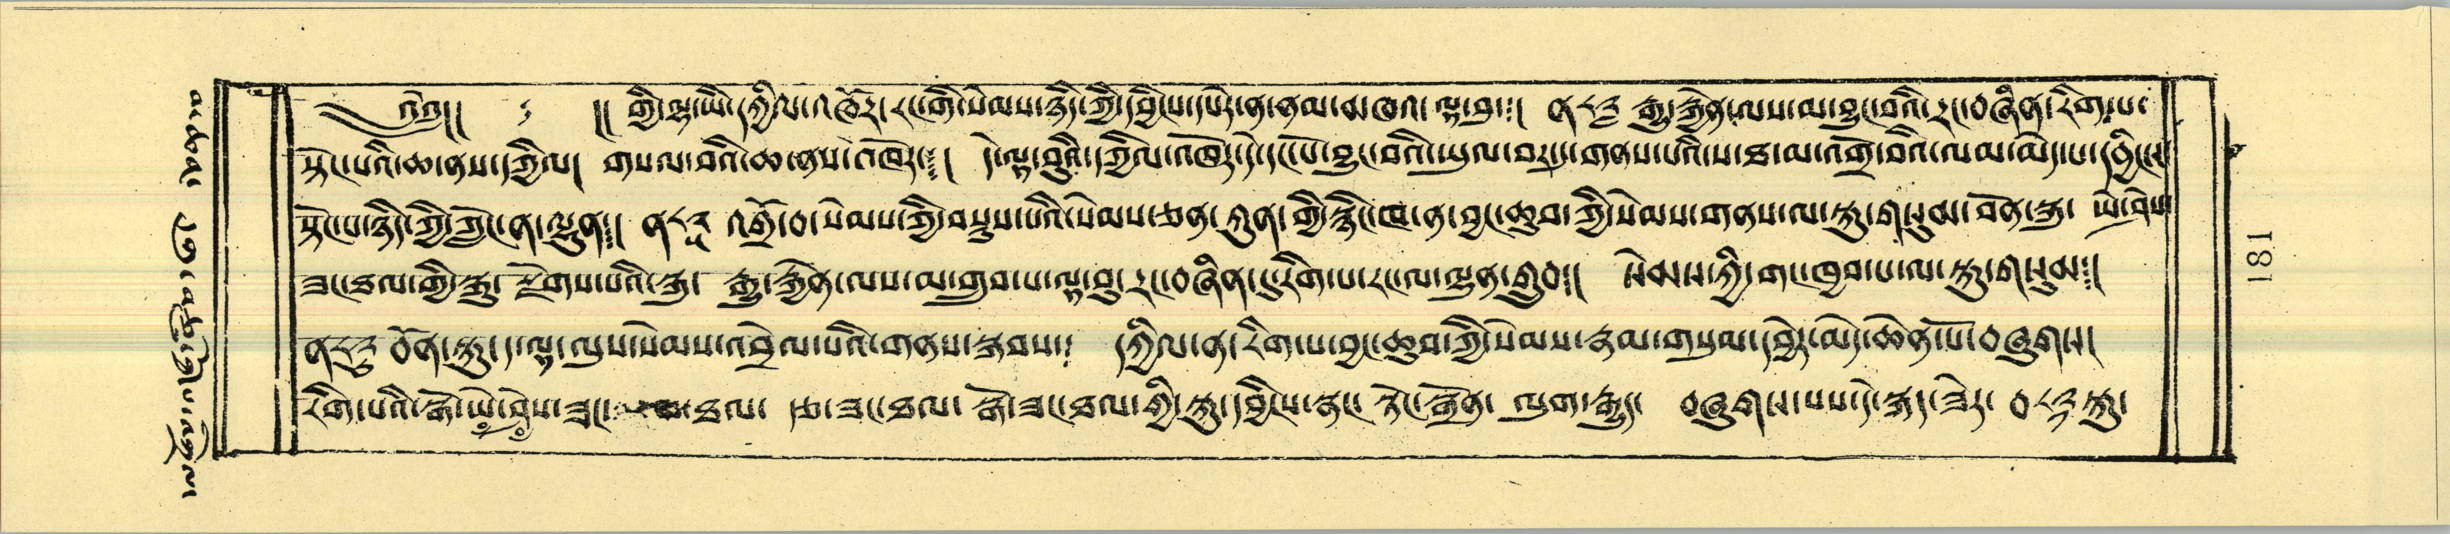གྱི་ལྷ་ཡི་དཀྱིལ་འཁོར་རང་གི་སེམས་ཉིད་དབྱིངས་དཔེར་ན་ནམ་མཁའ་ལྟ་བུ་ ན༨༢།༤ རྒྱུ་རྐྱེན་ལས་མ་བྱུང་བའི་རང་བཞིན་རིག་པ་
སྟོང་པའི་ཆ་ནས་དཀྱིལ་ གསལ་བའི་ཆ་ནས་འཁོར་ དེ་ལྟ་བུའི་དཀྱིལ་འཁོར་དེ་དང་པོ་བྱུང་བའི་ཡུལ་བར་དུ་གནས་པའི་ས་ཐ་མ་འགྲོ་བའི་ལམ་མེད་པ་དབྱིངས་
སྟོང་པ་ཉིད་ཀྱི་སྟོང་པ་ཉིད་ཀྱི་ཀློང་ན་ལྷུན་ ན༨༢།༥འགྲོ་བ་སེམས་ཀྱིས་བསྡུས་པའི་སེམས་ཅན་ཀུན་གྱི་སྙིང་ཁ་ན་བྱང་ཆུབ་ཀྱི་སེམས་གནས་ལ་སྐུ་གསུམ་བོན་སྐུ་ ཡེ་ཤེས་
ཟང་ཐལ་གྱི་སྐུ་ རྫོགས་པའི་སྐུ་ རྒྱུ་རྐྱེན་ལས་མ་གྲུབ་པ་ལྟ་བུ་རང་བཞིན་དུ་རིག་པ་རང་ལ་ལྷུན་གྲུབ་ སེམས་ཀྱིགང་ཁྱབ་པ་ལ་སྐུ་གསུམ 
ན༨༢།༦བོན་སྐུ་ད་ལྟ་ལུས་སེམས་འབྲེལ་བའི་གནས་སྐབས་ དཀྱིལ་ན་རིག་པ་བྱང་ཆུབ་ཀྱི་སེམས་རྣམ་གསུམ་དབྱེར་མེད་ཆེན་པོ་བཞུགས་
རིག་པའི་སྒོ་ཡེ་ཤེས་ཟང་ཐལ་རྩ་ཟང་ཐལ་སྒོ་ཟང་ཐལ་གྱི་སྐུ་དབྱིངས་སྣང་སྟོང་སྒྲོན་ལུག་རྒྱུད་༼བཞུགས༽པས་དེ་སྐད་ཟེར་བ༨༢།༡༼སྐུ༽